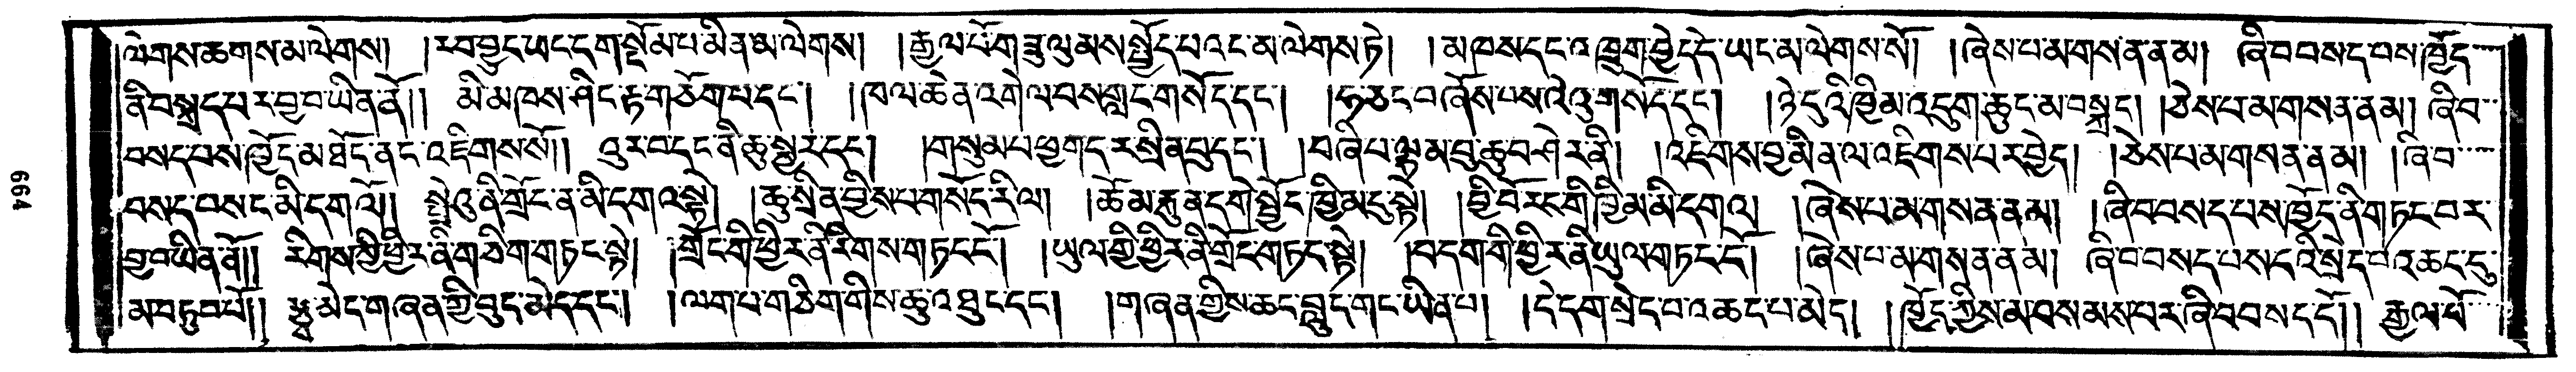ལེགས་ཆགས་མ་ལེགས། །རབ་བྱུང་ཡང་དག་སྡོམ་པ་མིན་མ་ལེགས། །རྒྱལ་པོ་གཟུ་ལུམས་སྤྱོད་པའང་མ་ལེགས་ཏེ། །མཁས་དང་འཁྲུག་བྱེད་དེ་ཡང་མ་ལེགས་སོ། །ཞེས་པ་མ་གསན་ནམ། ཞི་བ་བསད་པས་ཁྱོད་
ནི་བསྐྲད་པར་བྱ་བ་ཡིན་ནོ།། མི་མཁས་ཤིང་རྟ་གཅོག་པ་དང་། །ཁལ་ཆེན་འགེལ་བས་གླང་གསོད་དང་། །ཧ་ཅང་བཞོས་པས་འེའུ་གསོད་དང་། །ཉེ་དུའི་ཁྱིམ་འདུག་ཆུང་མ་བསྐྲད། །ཅེས་པ་མ་གསན་ནམ། ཞིབ་
བསད་པས་ཁྱོད་མཐོང་ནང་འཇིགས་སོ།། འུར་བ་དང་ནི་ཆུ་སྐྱར་དང་། །གསུམ་པ་ཕྱག་དར་སྲིན་བུ་དང་། །བཞི་པ་ལྷམ་བུ་ཆུ་བཤེར་ནི། །འཇིགས་བྱ་མིན་ལ་འཇིགས་པར་བྱེད། །ཅེས་པ་མ་གསན་ནམ། །ཞི་བ་
བསད་བསང་མི་དགའོ།། སྤྲེའུ་ནི་གྲོང་ན་མི་དགའ་སྟེ། །ཆུ་སྲིན་བྱིས་པ་གསོང་རི་ལ། །ཆོམ་རྐུན་དགེ་སྦྱོང་ཁྱིམ་དུ་སྟེ། །བྱི་བོ་རང་གི་ཁྱིམ་མི་དགའ། །ཞེས་པ་མ་གསན་ནམ། །ཞི་བ་བསད་པས་ཁྱོད་ནི་གཏང་བར་
བྱ་བ་ཡིན་ནོ།། རིགས་ཀྱི་ཕྱིར་ནི་གཅིག་གཏང་སྟེ། །གྲོང་གི་ཕྱིར་ནི་རིགས་གཏང་ངོ །ཡུལ་གྱི་ཕྱིར་ནི་གྲོང་གཏང་སྟེ། །བདག་གི་ཕྱིར་ནི་ཡུལ་གཏང་ངོ། །ཞེས་པ་མ་གསན་ནམ། ཞི་བ་བསད་པས་ངའི་སྲེད་པ་འཆང་དུ་
མ་བཏུབ་བོ།། རྩྭ་མེད་གཞན་གྱི་བུད་མེད་དང་། །ལག་པ་གཅིག་གིས་ཆུ་འཐུང་དང་། །གཞན་གྱིས་ཆང་བླུང་གང་ཡིན་པ། །དེ་དག་སྲེད་པ་འཆད་པ་མེད། །ཁྱོད་ཀྱིས་མ་བསམས་པར་ཞིབ་བསད་དོ།། རྒྱལ་པོ་